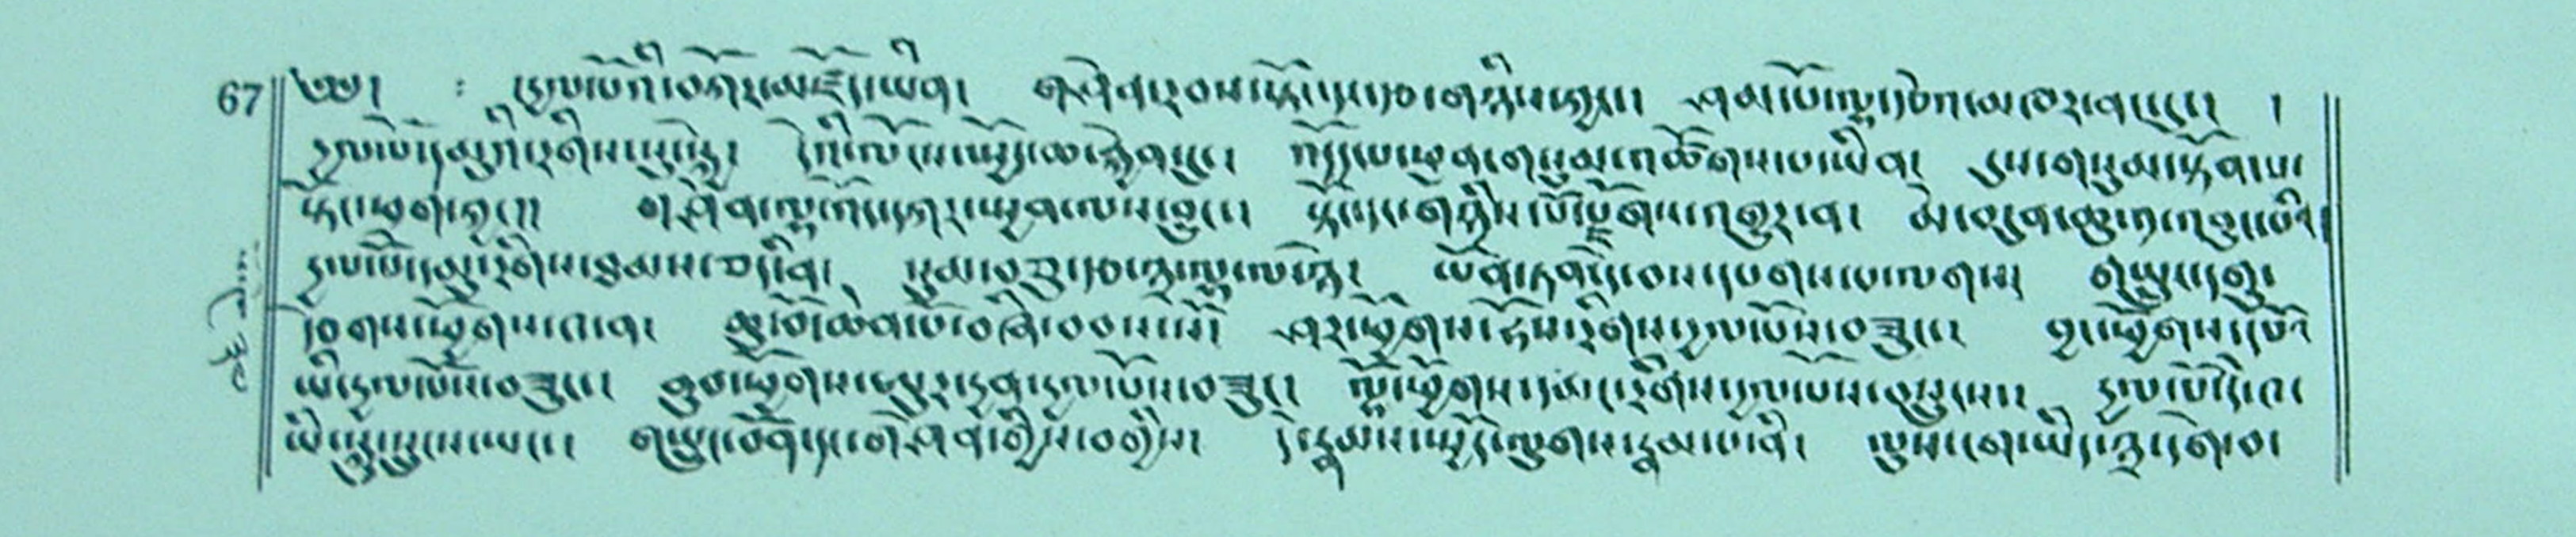༄༅། །རྒྱལ་བོའི་བཀོར་མཛོད་ཡིན། གཤེན་རབ་སྟོང་དང་རྩ་གཉིས་ཀྱང་། ཤམ་པོ་ལྷ་རྩེའི་མཁར་ནང་དུ། 
རྒྱལ་པོ་དམུ་ཡི་རིགས་སུ་སྐྱེས། དེ་ཡི་ལོངས་སྤྱོད་ཆ་རྐྱེན་དུ། འདོད་པ་ཕུན་གསུམ་ཚོགས་པ་ཡིན། དུས་གསུམ་སྟོན་པ་
སྟོང་ཕྲག་ཀྱང་། གཤེན་ལྷ་འོད་དཀར་སྤྱན་ལས་བྱུང་། སྟོང་དང་གཉིས་པོ་རྫོགས་འགྱུར་ནས། མེ་བདུན་ཆུ་གཅིག་འབྱུང་བའི། 
།རྒྱལ་བོ་དམུ་རིགས་ཐམས་ཅད་ནི། སུམ་བཅུ་རྩ་གསུམ་ལྷ་ལ་ཉེ། ཡོན་ཏན་དེ་བས་འཕགས་པ་ལེགས། གཡུང་དྲུང་དགུ་
བརྩེགས་ཕྱོགས་བཞི་ནས། ཆུ་བོ་ཆེན་པོ་བཞི་བབས་སོ། །ཤར་ཕྱོགས་ཧོས་རིགས་རྒྱལ་པོས་བཟུང་། བྱང་ཕྱོགས་དཔོའ་
ཡི་རྒྱལ་བོས་བཟུང་། ནུབ་ཕྱོགས་ཨུ་རྒྱན་རྒྱལ་པོས་བཟུང་། ལྷོ་ཕྱོགས་དམང་རིགས་རྒྱལ་པོས་བཟུང་། རྒྱལ་པོ་དེ་བཞི་
ཡི་སྐུ་སྲུངས་ཡང་། གཡུང་དྲུང་བོན་དང་གཤེན་གྱིས་བགྱིས། དེ་རྣམས་སྤྱོད་ལུགས་རྣམ་པ་ནི། ལུས་ངག་ཡིད་གསུམ་དགེ་བ་